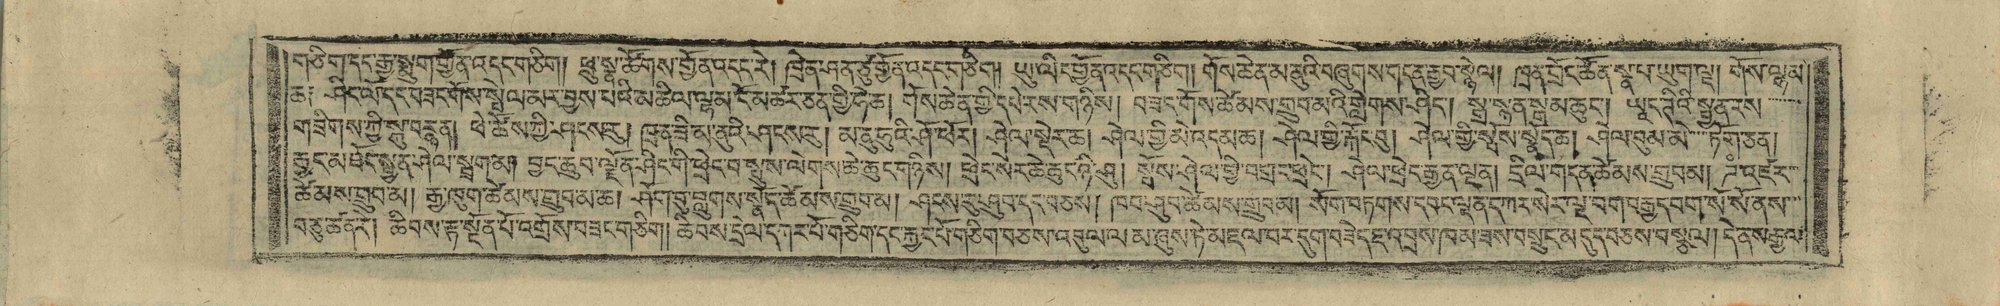གཅིག་དང་རྒྱ་སྨུག་གྱོན་འདང་གཅིག །ཕྲུ་སྣ་ཚོགས་གྱོན་འདང་རེ། ཁྲེན་ཤན་ཙུ་གྱོན་འདང་གཅིག །ཡུ་ལིང་གྱོན་འདང་གཅིག །གོས་ཆེན་མ་ནུའི་བཞུགས་གདན་རྒྱབ་སྙེལ། ཁྲན་གྲོང་ཚོན་སྣ་པ་ཡུག་ལྔ། གོས་ལྷམ་
ཆ༑ ཤིང་ལོ་དང་བཟང་གོས་སྤེལ་མར་བྱས་པའི་མཆིལ་ལྷམ་ངོ་མཚར་ཅན་གྱི་ཧེ་ཆ། གོས་ཆེན་གྱི་དཔེ་རས་གཉིས། བཟང་གོས་ཚེམས་གྲུབ་མའི་གླེགས་ཤིང་། སྒྲ་སྙན་སྒམ་ཆུང་། ཡཱང་ཊིའི་སྤྱན་རས་
གཟིགས་ཀྱི་སྐུ་བརྙན། ཕེ་ཚོས་ཀྱི་ཤངས་རུ། ཁྲན་ཟི་མ་ནུའི་ཤངས་རུ། མ་ནུ་ཧུའི་ཤོ་ཕོར། ཤེལ་སྡེར་ཆ། ཤེལ་གྱི་མེ་འདམ་ཆ། ཤེལ་གྱི་རྐོང་བུ། ཤེལ་གྱི་སྤོས་སྣོད་ཆ། ཤེལ་བུམ་མེ་ཏོག་ཅན།
རྒྱང་མཐོང་སྤྱན་ཤེལ་སྦྲག་མ། བྱང་ཆུབ་ལྗོན་ཤིང་གི་ཕྲེང་བ་སྤུས་ལེགས་ཆེ་ཆུང་གཉིས། ཕྲེང་སེར་ཆེ་ཆུང་ཉི་ཤུ། སྤོས་ཤེལ་གྱི་བགྲང་ཕྲེང་། ཤེལ་ཕྲེང་རྒྱན་ལྡན། དྲིལ་གདན་ཚེམས་གྲུབ་མ། ཌཾ་འཛར་
ཚེམས་གྲུབ་མ། རྒྱ་ཁུག་ཚེམས་གྲུབ་མ་ཆ། ཤོག་བུ་བླུགས་སྣོད་ཚེམས་གྲུབ་མ། ཤངས་རུ་ཤུབ་དང་བཅས། ཁབ་ཤུབ་ཚེམས་གྲུབ་མ། སོག་བཏགས་དབང་ལྡན་དཀར་སེར་ལྔ་བག་བརྒྱད་བག་སོ་སོ་ནས་
བཅུ་ཚན་རེ། ཆིབས་རྟ་སྔོན་པོ་འགྲོས་བཟང་གཅིག །ཆིབས་དྲེལ་དཀར་པོ་གཅིག་དང་རྐྱང་པོ་གཅིག་བཅས་འབུལ་ལ་མ་ཞུས་ཏེ་མཇལ་བར་དུག་བཟེད་རྔ་འབྲས་ཁམ་ཟས་བསྲུང་མདུད་བཅས་བསྩལ། དེ་ནས་རྒྱལ་